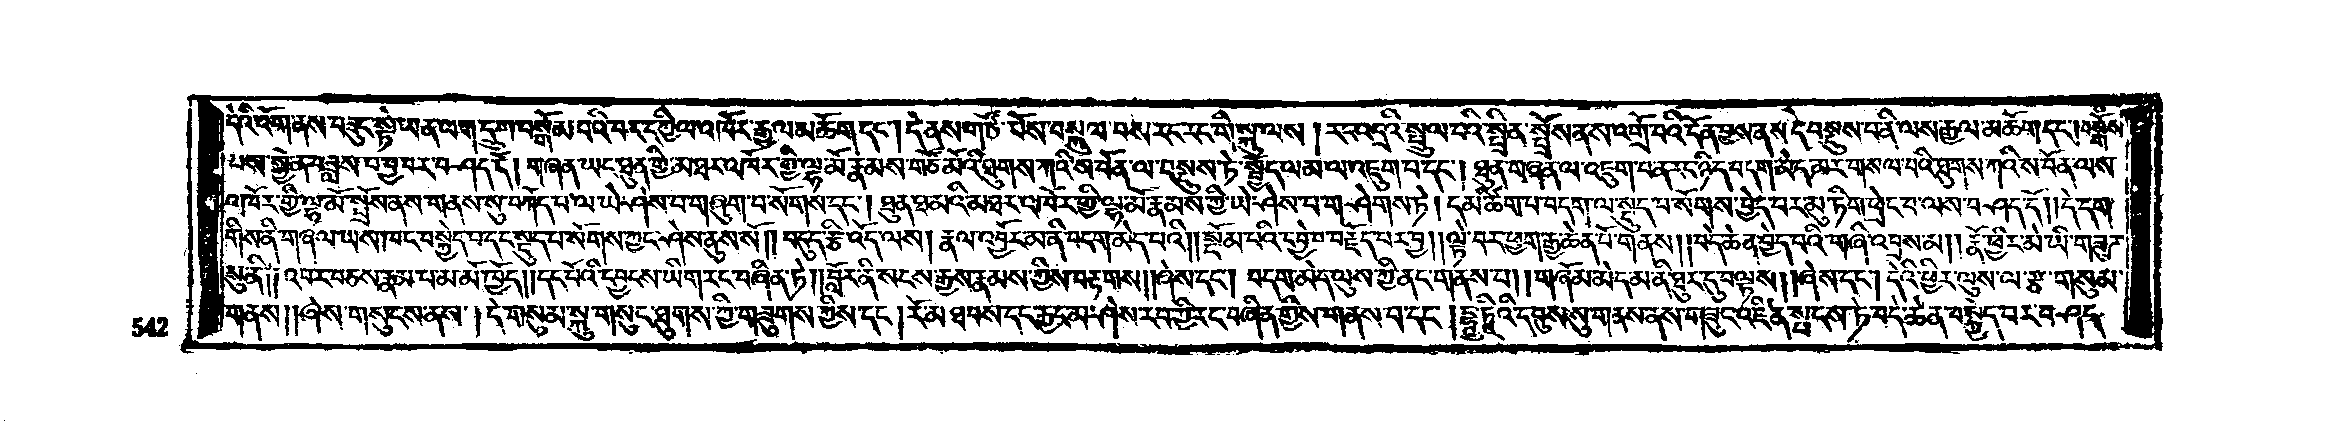དེའི་འོག་ནས་བཟུང་སྟེ་ཡན་ལག་དྲུག་བསྒོམ་པའི་བར་དཀྱིལ་འཁོར་རྒྱལ་མཆོག་དང་། དེ་ནས་གཙོ་བོས་བསྐུལ་བས་རང་རང་གི་སྐུ་ལས། རང་འདྲའི་སྤྲུལ་པའི་སྤྲིན་སྤྲོས་ནས་འགྲོ་བའི་དོན་བྱས་ནས་དེ་བསྡུས་པ་ནི་ལས་རྒྱལ་མཆོག་དང་། བསྒོམས་
པས་སྐྱེ་ན་བཟླས་པ་བྱ་བར་བཤད་དོ། གཞན་ཡང་ཐུན་གྱི་མཐར་འཁོར་གྱི་ལྷ་མོ་རྣམས་གཙོ་མོའི་ཐུགས་ཀའི་ས་བོན་ལ་བསྡུས་ཏེ་སྤྱོད་ལམ་ལ་འཇུག་པ་དང་། ཐུན་གཞན་ལ་འཇུག་པ་ན་རང་ཉིད་བདག་མེད་མར་གསལ་བའི་ཐུགས་ཀའི་ས་བོན་ལས་
འཁོར་གྱི་ལྷ་མོ་སྤྲོས་ནས་གནས་སུ་བཀོད་པ་ལ་ཡེ་ཤེས་པ་གཞུག་པ་སོགས་དང་། ཐུན་ཐ་མའི་མཐར་འཁོར་གྱི་ལྷ་མོ་རྣམས་ཀྱི་ཡེ་ཤེས་པ་གཤེགས་ཏེ། དམ་ཚིག་པ་བདག་ལ་སྡུད་པ་སོགས་བྱེད་པར་མུ་ཏིག་ཕྲེང་བ་ལས་བཤད་དོ། །དེ་དག་
གིས་ནི་གཞལ་ཡས་ཁང་བསྐྱེད་པ་དང་སྡུད་པ་སོགས་ཀྱང་ཤེས་ནུས་སོ། །བདུད་རྩི་འོད་ལས། རྣལ་འབྱོར་མ་ནི་བདག་མེད་པའི། །སྡོམ་པའི་དབྱེ་བ་བརྗོད་པར་བྱ། །ལྟེ་བར་ཕྱག་རྒྱ་ཆེན་པོ་གནས། །བདེ་ཆེན་བྱེད་པའི་གཞི་འབྲས་མ། །རྣོ་ཕྱིར་མེ་ཡི་གཟུགས་
སུ་ནི། །འབར་བཅས་རྣམ་པ་མ་མོ་ཁྱོད། །དང་པོའི་དབྱངས་ཡིག་རང་བཞིན་ཏེ། །བློར་ནི་སངས་རྒྱས་རྣམས་ཀྱིས་བརྟགས། །ཞེས་དང་། བདག་མེད་ལུས་ཀྱི་ནང་གནས་པ། །གཞོམ་མེད་མ་ནི་ཐུར་དུ་བལྟས། །ཞེས་དང་། དེའི་ཕྱིར་ལུས་ལ་རྩ་གསུམ་
གནས། །ཞེས་གསུངས་ནས། དེ་གསུམ་སྐུ་གསུང་ཐུགས་ཀྱི་གཟུགས་ཀྱིས་དང་། རོ་མ་ཐབས་དང་རྐྱང་མ་ཤེས་རབ་ཀྱི་རང་བཞིན་གྱིས་གནས་པ་དང་། དྷཱུ་ཏཱིའི་དབུས་སུ་གནས་ནས་གཟུང་འཛིན་སྤངས་ཏེ་བདེ་ཆེན་བསྐྱེད་པར་བཤད་